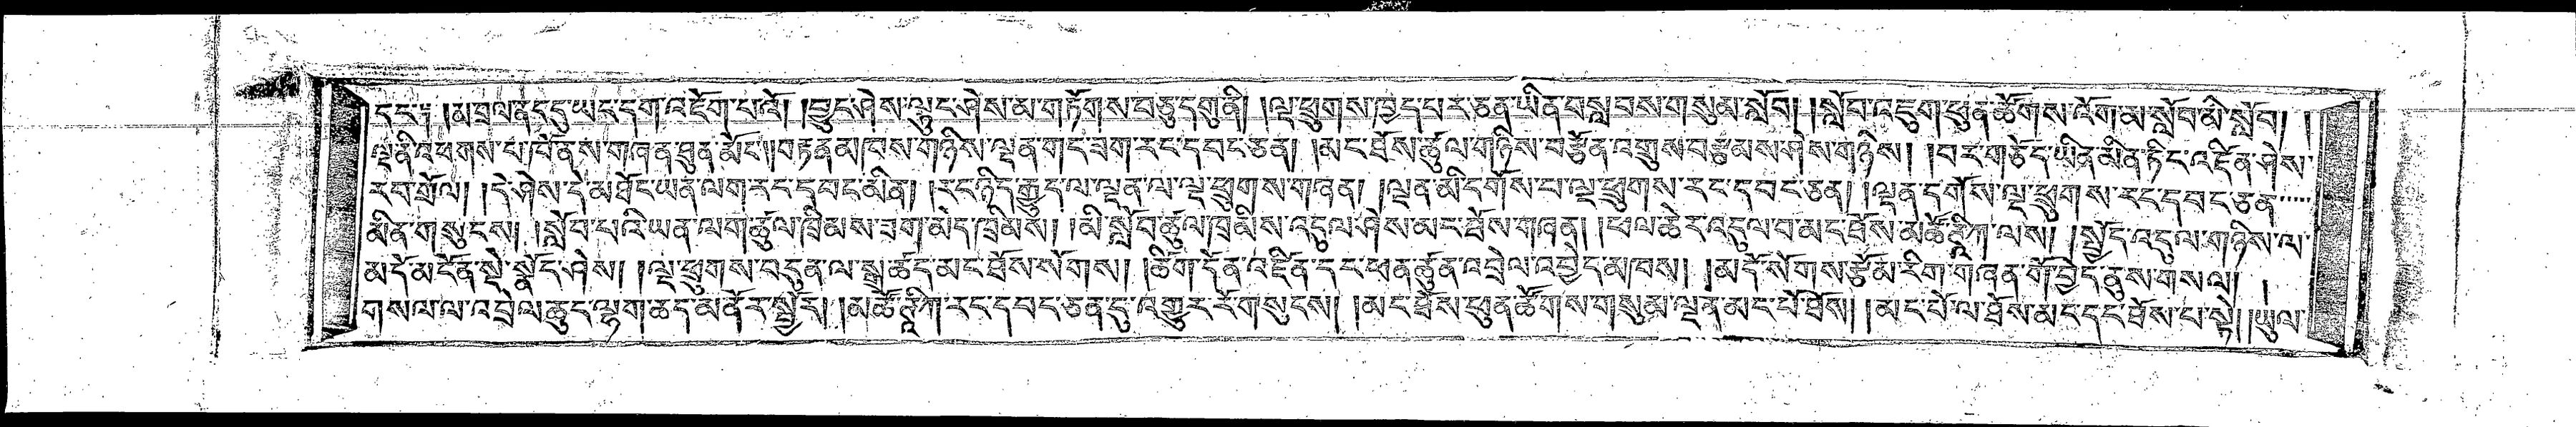དང༑ །མ་བྲལ་ནང་དུ་ཡང་དག་འཇོག་པའོ། །བྱུང་ཤེས་ལྟུང་ཤེས་མ་གཏོགས་བཅུ་དགུ་ནི། །ལྔ་ཕྲུགས་ཁྱད་པར་ཅན་ཡིན་བསླབས་གསུམ་སློབ། །སློབ་འཇུག་ཕུན་ཚོགས་འོག་མ་སློབ་མི་སློབ། །
ལྔ་ནི་འཕགས་པ་ཁོ་ནས་གཞན་ཐུན་མོང་། །བརྟན་མཁས་གཉིས་ལྡན་གང་ཟག་རང་དབང་ཅན། །མང་ཐོས་ཚུལ་གཉིས་བརྩོན་འགྲུས་བརྩམས་ཤེས་གཉིས། །བར་གཅོད་ཡིན་མིན་ཏིང་འཛིན་ཤེས་
རབ་གྲོལ། །དེ་ཤེས་དེ་མཐོང་ཡན་ལག་རང་དབང་མིན། །རང་ཉིད་རྒྱུད་ལ་ལྡན་ལ་ལྔ་ཕྲུགས་གཞན། །ལྡན་མི་དགོས་པ་ལྔ་ཕྲུགས་རང་དབང་ཅན། །ལྡན་དགོས་ལྔ་ཕྲུགས་རང་དབང་ཅན་
མིན་གསུངས། །སློབ་པའི་ཡན་ལག་ཚུལ་ཁྲིམས་ཟག་མེད་ཁྲིམས། །མི་སློབ་ཚུལ་ཁྲིམས་འདུལ་ཤེས་མང་ཐོས་གཞན། །ཕལ་ཆེར་འདུལ་བ་མང་ཐོས་མཚོ་ཊཱིཀ་ལས། །སྤྱོད་འདུལ་གཉིས་ལ་
མདོ་མངོན་སྡེ་སྣོད་ཤེས། །ལྔ་ཕྲུགས་བདུན་ལ་སྒྲ་ཚད་མང་ཐོས་སོགས། །ཚིག་དོན་འཛིན་དང་ཕན་ཚུན་འབྲེལ་འབྱེད་མཁས། །མདོ་སོགས་རྩོམ་རིག་གཞན་གོ་བྱེད་ནུས་གསལ། །
གསལ་ལ་འབྲེལ་ཆུང་ལྷག་ཆད་མ་ནོར་སྦྱོར། །མཚོ་ཊཱིཀ་རང་དབང་ཅན་དུ་འགྱུར་རོ་གསུངས། །མང་ཐོས་ཕུན་ཚོགས་གསུམ་ལྡན་མང་པོ་ཐོས། །མང་པོ་ལ་ཐོས་མང་དང་ཐོས་པ་སྟེ། །ཡུལ་